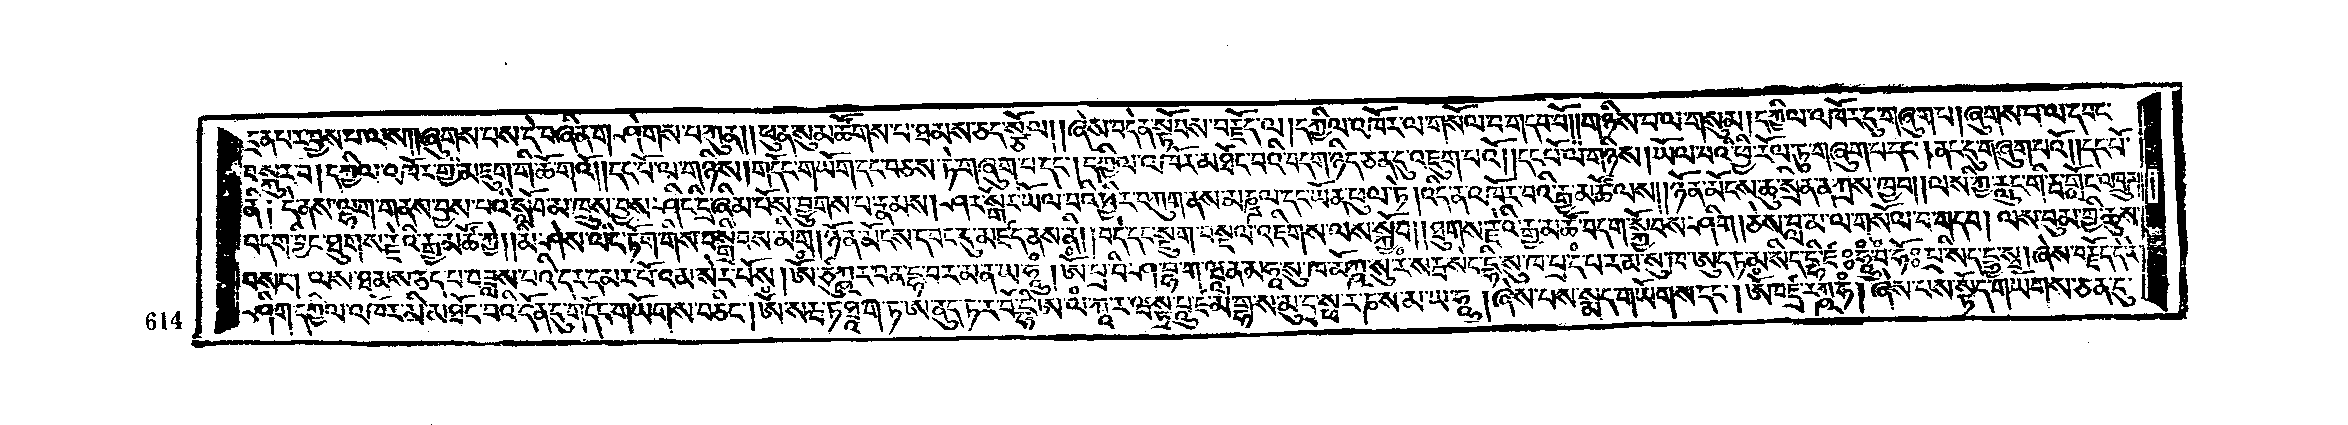དྲན་པར་བྱས་པ་ལས། །ཞུགས་པས་དེ་བཞིན་གཤེགས་པ་ཀུན། །ཕུན་སུམ་ཚོགས་པ་ཐམས་ཅད་སྩོལ། །ཞེས་བདེན་སྟོབས་བརྗོད་ལ། དཀྱིལ་འཁོར་ལ་གསོལ་བ་གདབ་བོ། །གཉིས་པ་ལ་གསུམ། དཀྱིལ་འཁོར་དུ་གཞུག་པ། ཞུགས་པ་ལ་དབང་
བསྐུར་བ། དཀྱིལ་འཁོར་གྱི་མཇུག་གི་ཆོ་གའོ། །དང་པོ་ལ་གཉིས། གདོང་གཡོག་དང་བཅས་ཏེ་གཞུག་པ་དང་། དཀྱིལ་འཁོར་མཐོང་བའི་བདག་ཉིད་ཅན་དུ་འཇུག་པའོ། །དང་པོ་ལ་གཉིས། ཡོལ་བའི་ཕྱི་རོལ་ཏུ་གཞུག་པ་དང་། ནང་དུ་གཞུག་པའོ། །དང་པོ་
ནི། དེ་ནས་ལྷག་གནས་བྱས་པའི་སློབ་མ་ཁྲུས་བྱས་ཤིང་དྲི་ཞིམ་པོས་བྱུགས་པ་རྣམས། ཤར་སྒོར་ཡོལ་བའི་ཕྱིར་བཀུག་ནས་མཎྜལ་དང་ཡོན་ཕུལ་ཏེ། འདི་ན་འཁོར་བའི་རྒྱ་མཚོ་ལས། །ཉོན་མོངས་ཆུ་སྲིན་ན་ཀྲས་ཁྱབ། །ལས་ཀྱི་རླུང་གི་རྦ་གློང་འཁྲུགས།།
བདག་བྱིང་ཐུགས་རྗེའི་རྒྱ་མཚོ་ཀྱེ། །མི་ཤེས་ལིང་ཏོག་གིས་བསྒྲིབས་མིག །ཉོན་མོངས་དབང་དུ་མཛད་ནས་ནི། །བདེ་དང་སྡུག་བསྔལ་འཇིགས་ལས་སྐྱོབ། །ཐུགས་རྗེའི་རྒྱ་མཚོ་བདག་སྐྱོབས་ཤིག །ཅེས་བླ་མ་ལ་གསོལ་བ་གདབ། ལས་བུམ་གྱི་ཆུས་
བསང་། ལས་ཐམས་ཅད་པ་བཟླས་པའི་དར་དམར་པོ་འམ་སེར་པོས། ཨོཾ་ཙཀྵུར་བན་དྷ་བ་ར་མན་ཡ་ཧཱུཾ། ཨོཾ་པྲ་བི་ཤ་བྷ་ག་ཝཱ་ན་མཧཱ་སུ་ཁ་མོཀྵ་སུ་རཾ་སརྦ་སིད་དྷི་སུ་ཁ་པྲ་དཾ་པ་ར་མ་སུ་ཁ་ཨུད་ཏ་མ་སིད་དྷི་ཛཿ ཧཱུཾ་བཾ་ཧོཿ པྲ་སིད་དྷྱ་སྭ། ཞེས་བརྗོད་དེ་རེ་
ཤིག་དཀྱིལ་འཁོར་མི་མཐོང་བའི་དོན་དུ་གདོང་གཡོགས་བཅིང་། ཨོཾ་སརྦ་ཏ་ཐཱ་ག་ཏ་ཨ་ནུད་ཏ་ར་བོ་དྷི་ཨ་ལཾ་ཀཱ་ར་ཝ་སྟྲ་པཱུ་ཛ་མེ་གྷ་ས་མུ་དྲ་སྥ་ར་ཎ་ས་མ་ཡ་ཧཱུཾ། ཞེས་པས་སྨད་གཡོགས་དང་། ཨོཾ་བཛྲ་རཀྵ་ཧཾ། ཞེས་པས་སྟོད་གཡོགས་ཅན་དུ་